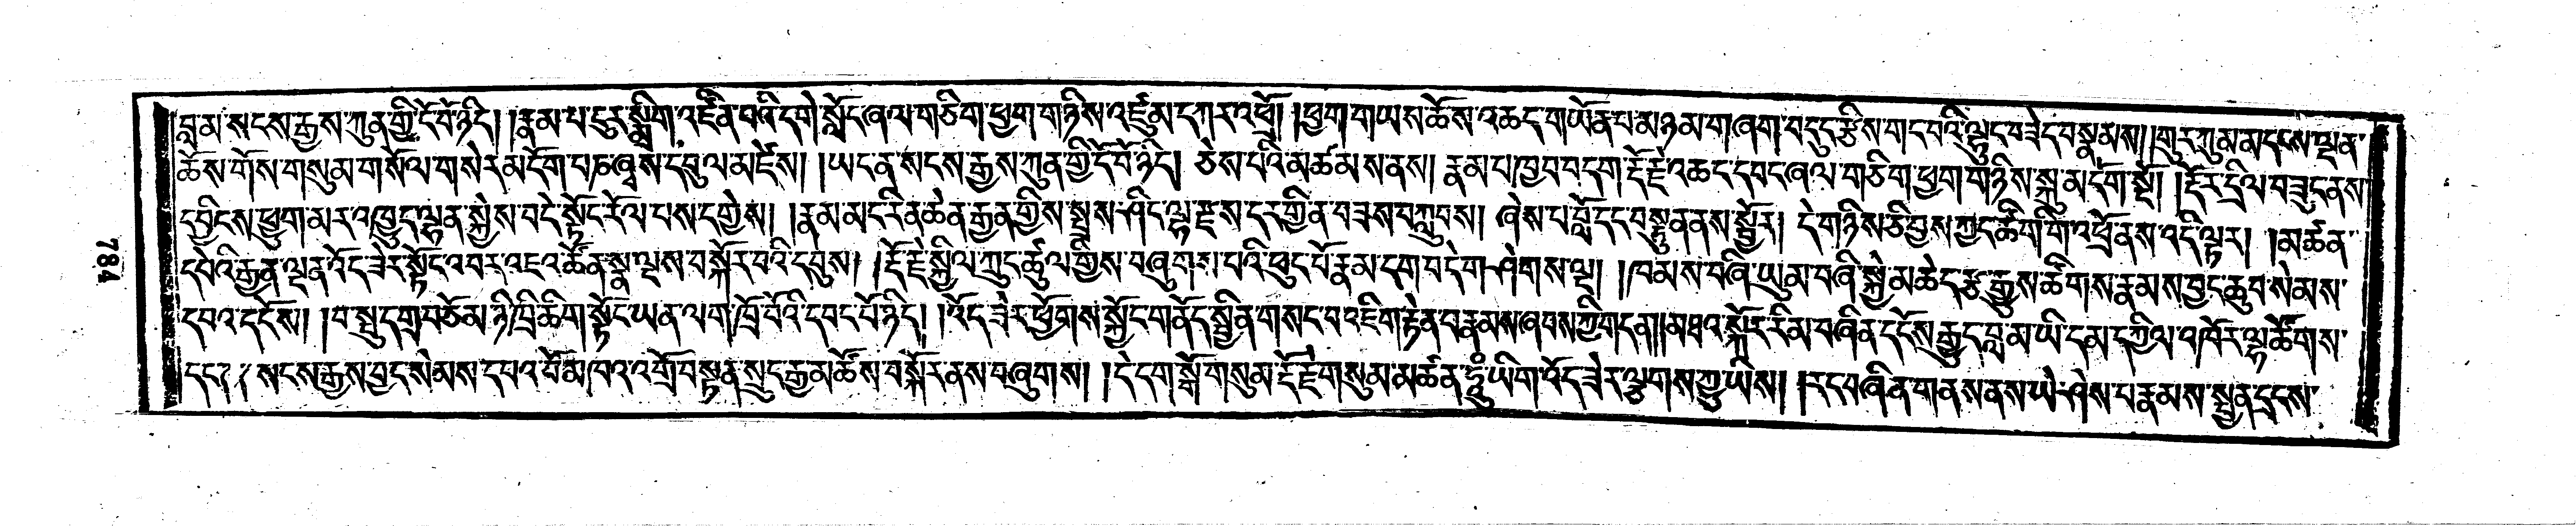བླ་མ་སངས་རྒྱས་ཀུན་གྱི་ངོ་བོ་ཉིད། །རྣམ་པ་ངུར་སྨྲིག་འཛིན་པའི་དགེ་སློང་ཞལ་གཅིག་ཕྱག་གཉིས་འཛུམ་དཀར་འཕྲོ། །ཕྱག་གཡས་ཆོས་འཆད་གཡོན་པ་མཉམ་གཞག་བདུད་རྩིས་གང་བའི་ལྷུང་བཟེད་བསྣམས། །གུར་ཀུམ་མདངས་ལྡན་
ཆོས་གོས་གསུམ་གསོལ་གསེར་མདོག་པཎ་ཞྭས་དབུ་ལ་མཛེས། །ཡང་ན་སངས་རྒྱས་ཀུན་གྱི་ངོ་བོ་ཉིད། ཅེས་པའི་མཚམས་ནས། རྣམ་པ་ཁྱབ་བདག་རྡོ་རྗེ་འཆང་དབང་ཞལ་གཅིག་ཕྱག་གཉིས་སྐུ་མདོག་སྔོ། །རྡོར་དྲིལ་བཟུང་ནས་
དབྱིངས་ཕྱུག་མར་འཁྱུད་ལྷན་སྐྱེས་བདེ་སྟོང་རོལ་པས་དགྱེས། །རྣམ་མང་རིན་ཆེན་རྒྱན་གྱིས་སྤྲས་ཤིང་ལྷ་རྫས་དར་གྱི་ན་བཟས་བཀླུབས། ཞེས་པ་བློ་དང་བསྟུན་ནས་སྦྱོར། དེ་གཉིས་ཅི་བྱས་ཀྱང་ཚིག་གི་འཕྲོ་ནས་འདི་ལྟར། །མཚན་
དཔེའི་རྒྱན་ལྡན་འོད་ཟེར་སྟོང་འབར་འཇའ་ཚོན་སྣ་ལྔས་བསྐོར་བའི་དབུས། །རྡོ་རྗེ་སྐྱིལ་ཀྲུང་ཚུལ་གྱིས་བཞུགས་པའི་ཕུང་པོ་རྣམ་དག་བདེ་གཤེགས་ལྔ། །ཁམས་བཞི་ཡུམ་བཞི་སྐྱེ་མཆེད་རྩ་རྒྱུས་ཚིགས་རྣམས་བྱང་ཆུབ་སེམས་
དཔའ་དངོས། །བ་སྤུ་དགྲ་བཅོམ་ཉི་ཁྲི་ཆིག་སྟོང་ཡན་ལག་ཁྲོ་བོའི་དབང་པོ་ཉིད། །འོད་ཟེར་ཕྱོགས་སྐྱོང་གནོད་སྦྱིན་གསང་བ་འཇིག་རྟེན་པ་རྣམས་ཞབས་ཀྱི་གདན། །མཐའ་སྐོར་རིམ་བཞིན་དངོས་རྒྱུད་བླ་མ་ཡི་དམ་དཀྱིལ་འཁོར་ལྷ་ཚོགས་
དང་། །སངས་རྒྱས་བྱང་སེམས་དཔའ་བོ་མཁའ་འགྲོ་བསྟན་སྲུང་རྒྱ་མཚོས་བསྐོར་ནས་བཞུགས། །དེ་དག་སྒོ་གསུམ་རྡོ་རྗེ་གསུམ་མཚན་ཧཱུཾ་ཡིག་འོད་ཟེར་ལྕགས་ཀྱུ་ཡིས། །རང་བཞིན་གནས་ནས་ཡེ་ཤེས་པ་རྣམས་སྤྱན་དྲངས་